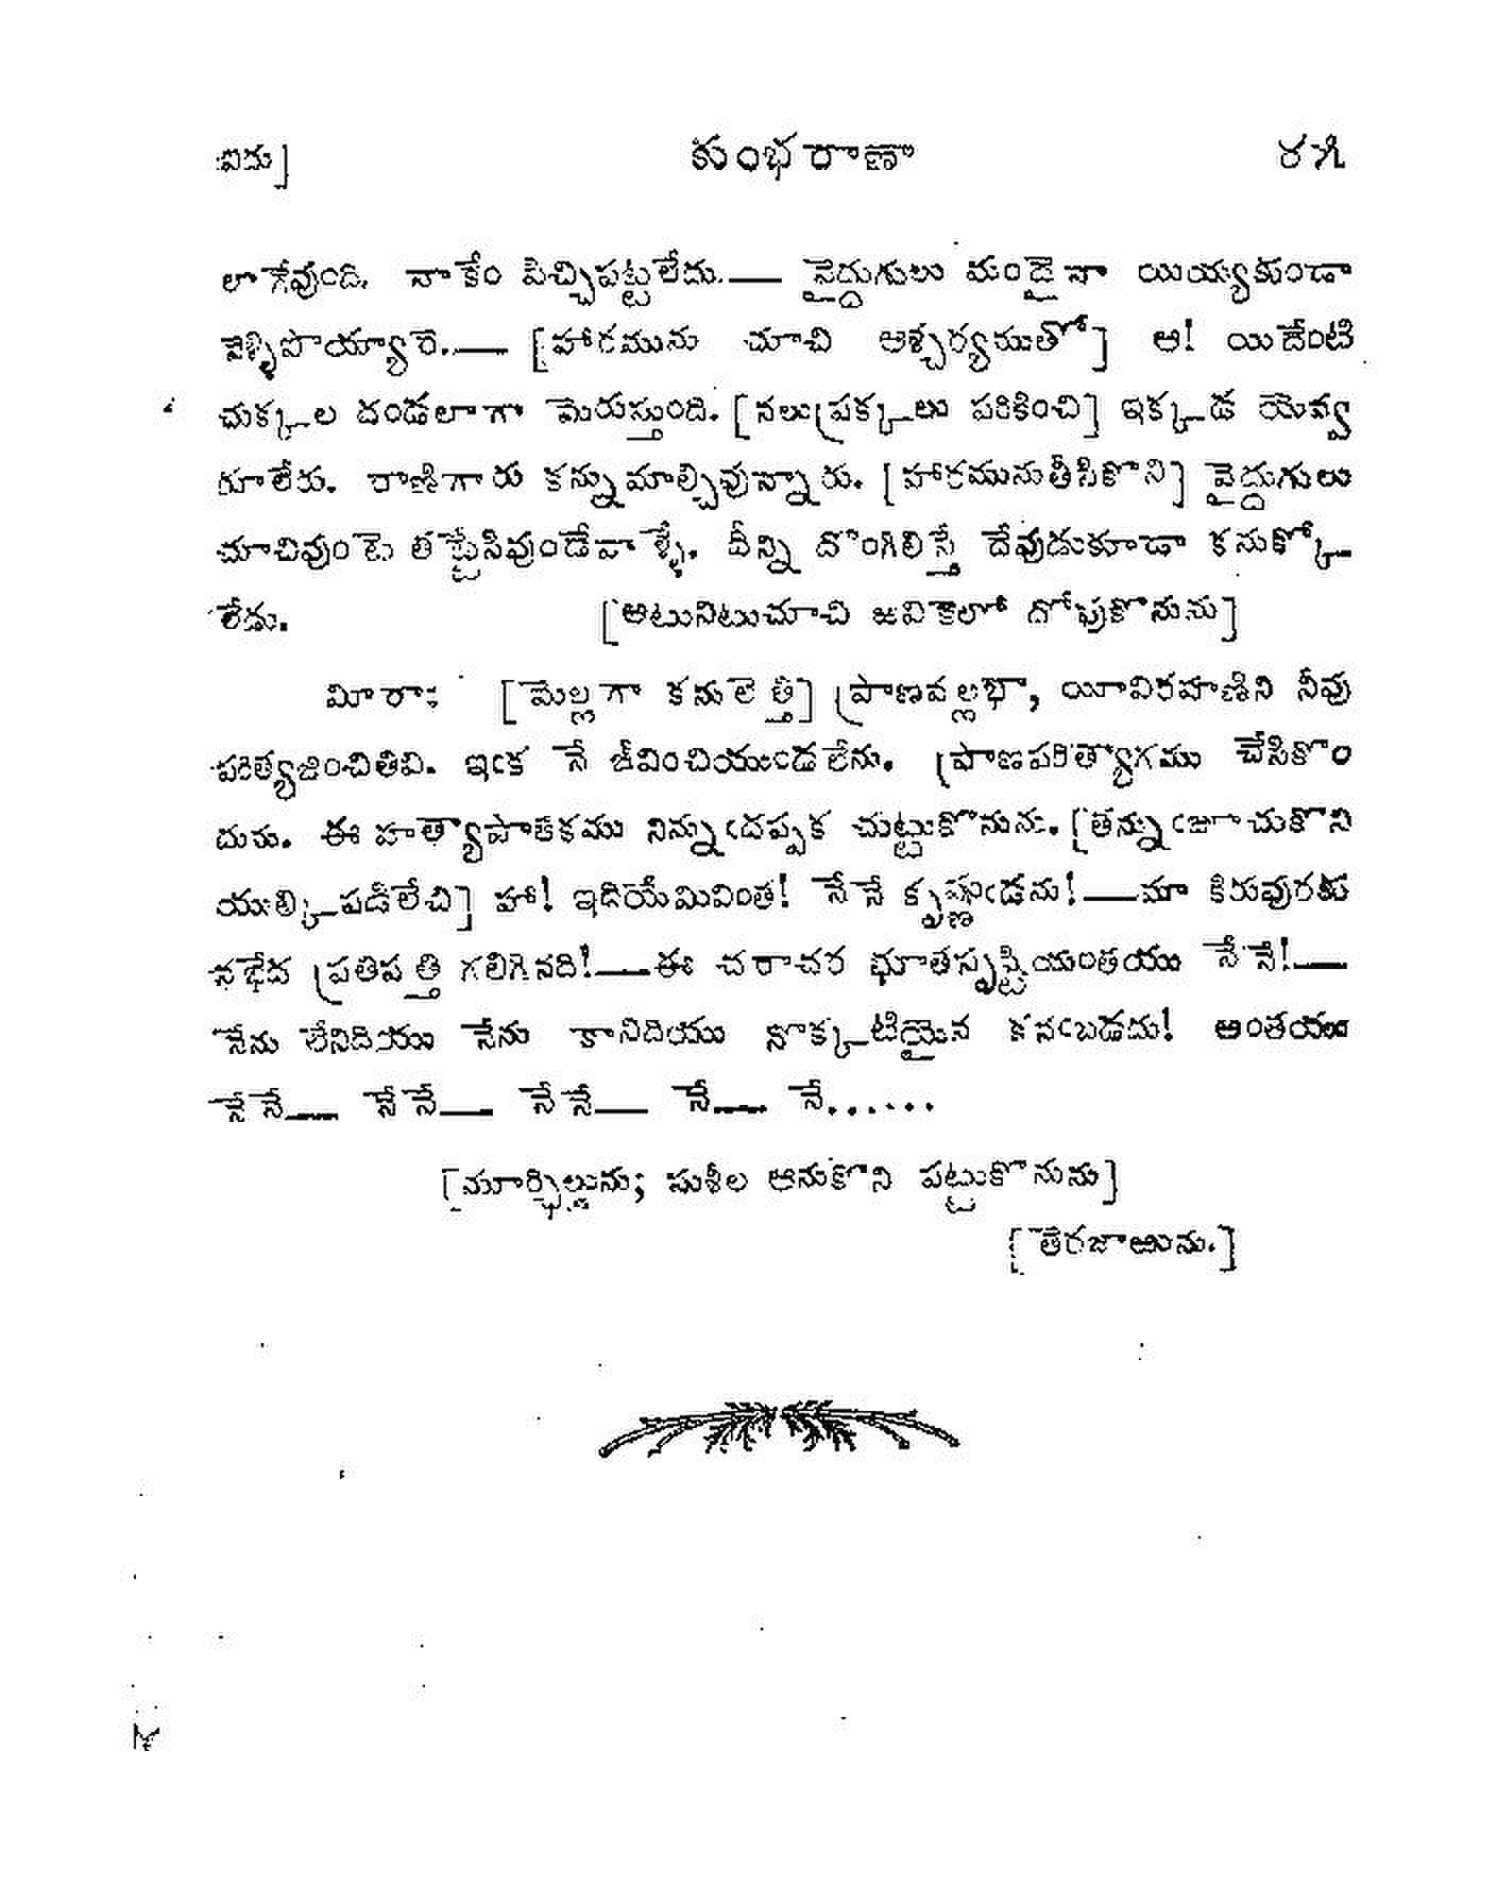లాగేవుంది. నాకేం పిచ్చిపట్టలేదు. - వైద్దుగులు మందైనా యియ్యకుండా వెళ్ళిపొయ్యారె. - [హారమును చూచి ఆశ్చర్యముతో] ఆ! యిదేంటి చుక్కల దండలాగా మెరుస్తుంది. [నలుప్రక్కలు పరికించి] ఇక్కడ యెవ్వరూలేరు. రాణిగారు కన్నుమాల్చివున్నారు. [హారముతీసికొని] వైద్దుగులు చూచివుంటె తట్టేసివుండేవాళ్ళే. దీన్ని దొంగిలిస్తే దేవుడుకూడా కనుక్కోలేడు. [అటునిటుచూచి ఱవికెలో దోపుకొనును]

మీరా : [మెల్లగా కనులెత్తి] ప్రాణవల్లభా, యీవిరహణిని నీవు పరిత్యజించితివి. ఇఁక నే జీవించియుండలేను. ప్రాణపరిత్యాగము చేసికొందును. ఈ హత్యాపాతకము నిన్నుఁదప్పక చుట్టుకొనును. [తన్నుఁజూచుకొని యుల్కిపడిలేచి] హా! ఇదియేమివింత ! నేనే కృష్ణుఁడను ! - మా కిరువురకు నభేధ ప్రతిపత్తి గలిగినది ! - ఈ చరాచర భూతసృష్టియంతయు నేనే ! - నేను లేనిదియు నేను కానిదియు నొక్కటియైన కనఁబడదు ! అంతయు నేనే - నేనే - నేనే - నే - నే...